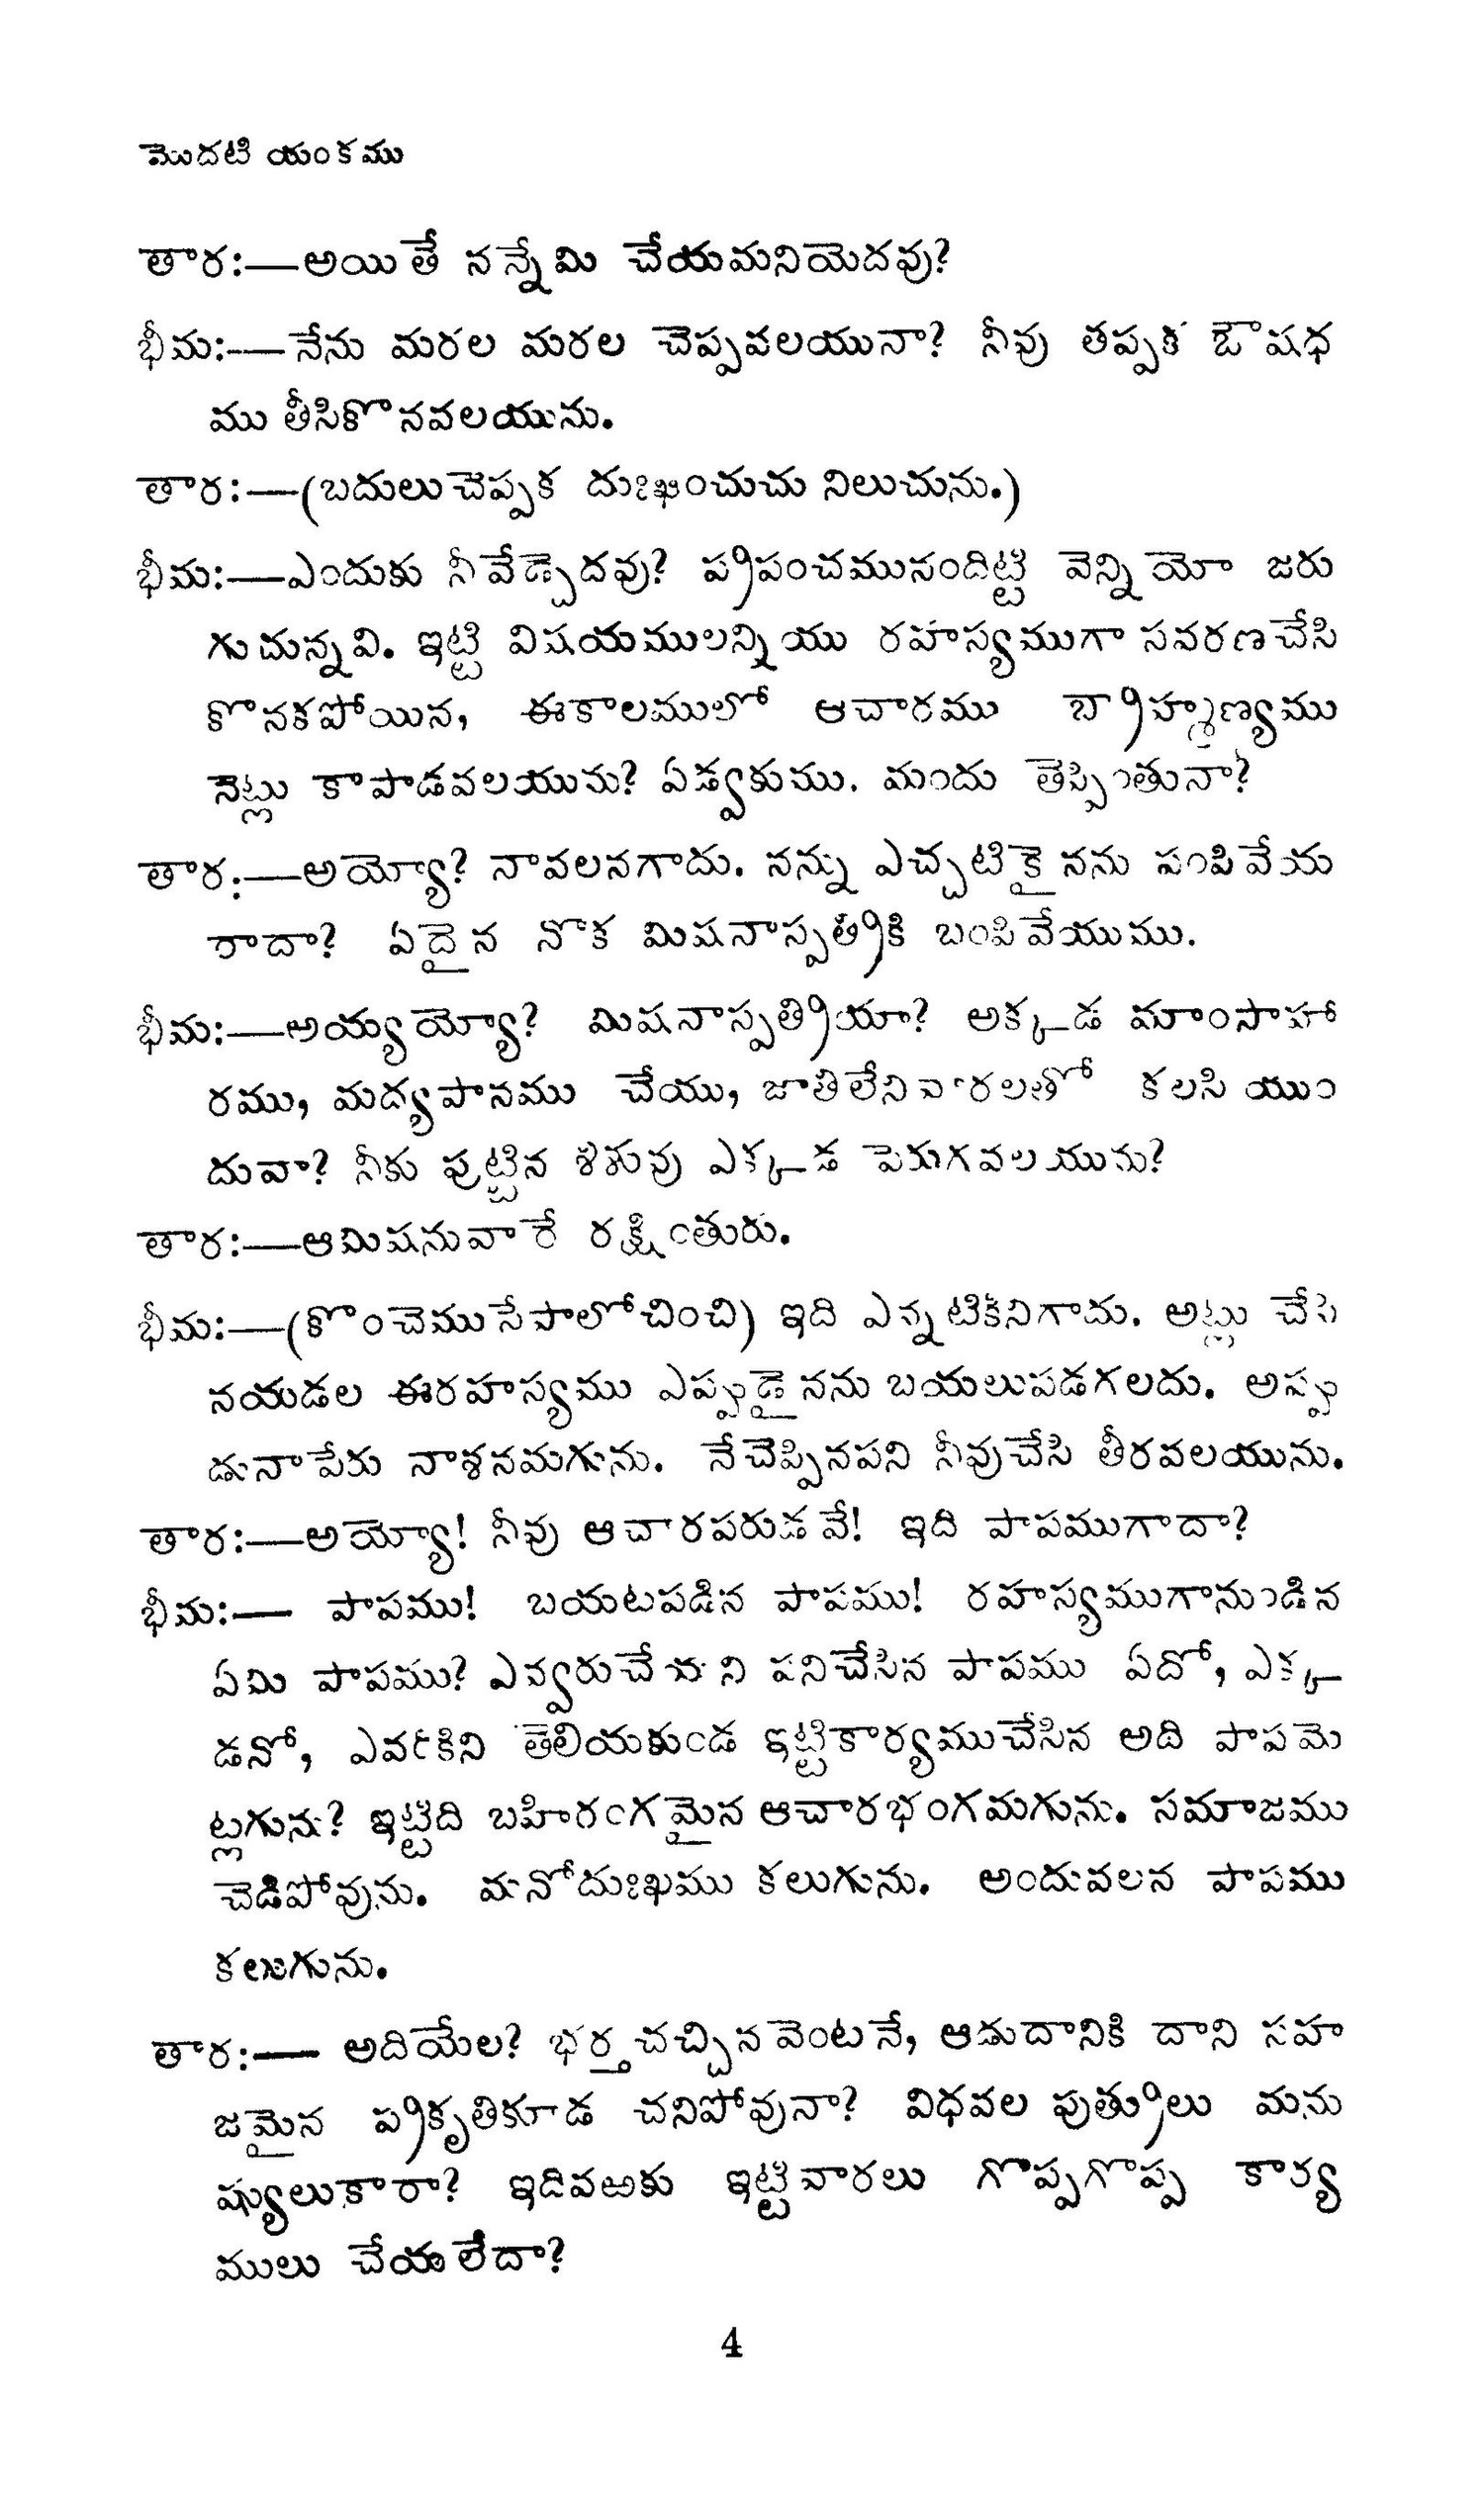తార:- అయితే నన్నేమి చేయమనియెదవు?

భీమ:- నేను మరల చెప్పవలయునా? నీవు తప్పక ఔషధము తీసుకొనవలయును.

తార:- (బదులుచెప్పక దు:ఖించుచు నిలుచును.)

భీమ:- ఎందుకు నీవేడ్చదవు? ప్రపంచమునందిట్టి వెన్నియో జరుగుచున్నవి. ఇట్టి విషయములన్నియు రహస్యముగా సవరణ చేసికొనకపోయిన, ఈకాలములో ఆచారము బ్రాహ్మణ్యమునెట్లు కాపాడవలయును? ఏడ్వకుము మందు తెప్పింతునా?

తార:- అయ్యో? నావలనగాదు. నన్ను ఎచ్చటికైనను పంపివేయరాదా? ఏదైన నొక మిషనాస్పత్రికి బంపివేయుము.

భీమ:- అయ్యయ్యో? మిషనాస్పత్రియా? అక్కడ మాంసాహారము, మద్యపానము చేయు, జాతిలేనివారలతో కలసియుందువా? నీకు పుట్టిన శిశువు ఎక్కడ పెరగవలయును?

తార:- ఆమిషనువారే రక్షింతురు.

భీమ:- (కొంచెముసేపాలోచించి) ఇది ఎన్నటికినిగాదు. అట్లు చేసినయడల ఈ రహస్యము ఎప్పుడైనను బయటపడగలదు. అప్పుడునాపేరు నాశనమగును. నేచెప్పినపని నీవుచేసి తీరవలయును.

తార:- అయ్యో! నీవు ఆచారపరుడవే! ఇది పాపముగాదా?

భీమ:- పాపము! బయటపడిన పాపము! రహస్యముగానుండిన ఏమి పాపము? ఎవ్వరుచేయని పనిచేసిన పాపము ఏదో, ఎక్కడనో ఎవరికిని తెలియకుండా ఇట్టి కార్యము చేసిన అది పాపమెట్లగును? ఇట్టిది బహిరంగమైన ఆచారభంగమగును. సమాజము చెడిపోవును. మనోదు:ఖము కలగును. అందువలన పాపము కలుగును.

తార:- అదియేల? భర్త చచ్చిన వెంటనే, ఆడుదానికి దాని సహజమైన ప్రకృతికూడ చనిపోవునా? విధవల పుత్రుల మనుష్యులుకారా? ఇదివఱకు ఇట్టివారలు గొప్పగొప్ప కార్యములు చేయలేదా?